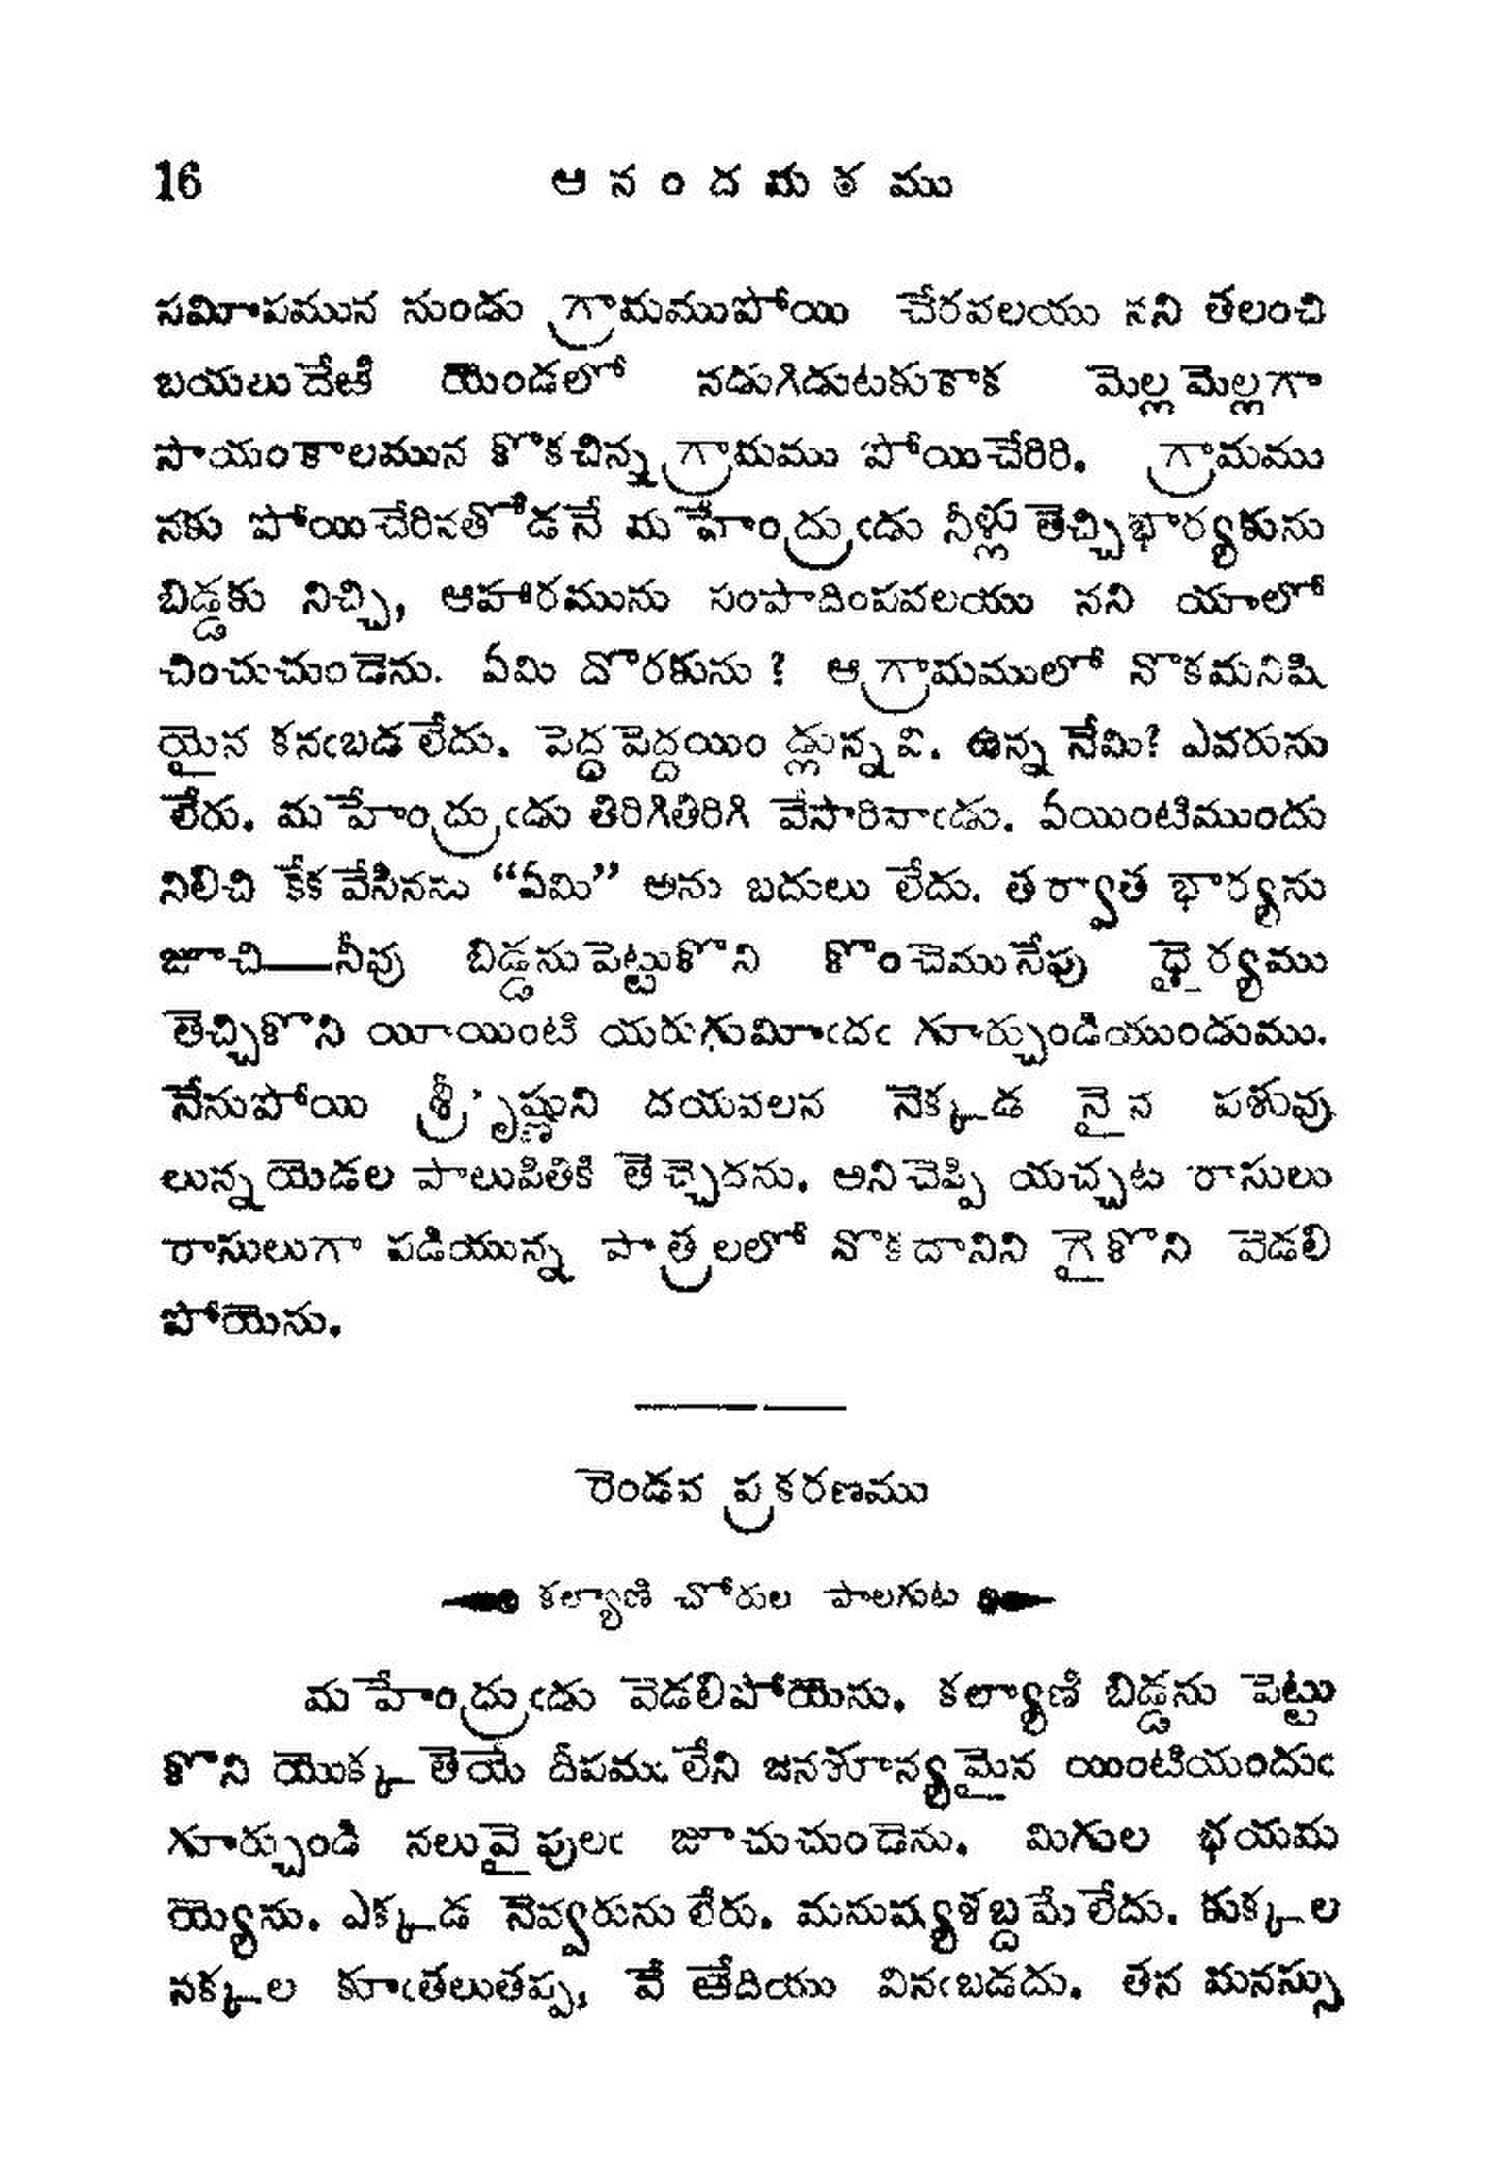సమీపమున నుండు గ్రామముపోయి చేరవలయు సని తలంచి బయలు దేఱి యెండలో నడుగిడుటకు కాక మెల్లమెల్లగా సాయంకాలమున కొక చిన్న గ్రామము పోయి చేరిరి. గ్రామము నకు పోయి చేరినతోడనే మహేంద్రుఁడు నీళ్లు తెచ్చి భార్యకును బిడ్డకు నిచ్చి, ఆహారమును సంపాదింపవలయు నని యాలోచించుచుండెను. ఏమి దొరకును ! ఆ గ్రామములో నొకమనిషి యైన కనఁబడ లేదు. పెద్ద పెద్దయిండ్లున్నవి. ఉన్ననేమి? ఎవరును లేరు. మహేంద్రుఁడు తిరిగితిరిగి వేసారినాఁడు. ఏయింటిముందు నిలిచి కేక వేసినను “ఏమి” అను బదులు లేదు. తర్వాత భార్యను జూచి—— నీవు బిడ్డను పెట్టుకొని కొంచెము సేపు ధైర్యము తెచ్చికొని యీయింటి యరుగుమీఁదఁ గూర్చుండియుండుము. నేనుపోయి శ్రీక్రుష్ణుని దయవలన నేక్కడ నైన పశువు లున్నయెడల పాలుపితికి తెచ్చెదను. అని చెప్పి యచ్చట 'రాసులు రాసులుగా పడియున్న పాత్రలలో నొక దానిని గైకొని వెడలి పోయెను.

రెండవ ప్రకరణము

కళ్యాణి చోరుల పాలగుట

మహేంద్రుఁడు వెడలిపోయెను, కల్యాణి బిడ్డను పెట్టుకొని యొక్క తెయే దీపము లేని జనశూన్యమైన యింటియందుఁ గూర్చుండి నలువైపులఁ జూచుచుండెను, మిగుల భయమయ్యెను. ఎక్కడ నెవ్వరును లేరు. మనుష్యశబ్దమే లేదు. కుక్కల నక్కల కూఁతలుతప్ప, వే ఱేదియు వినఁబడదు. తన మనస్సు